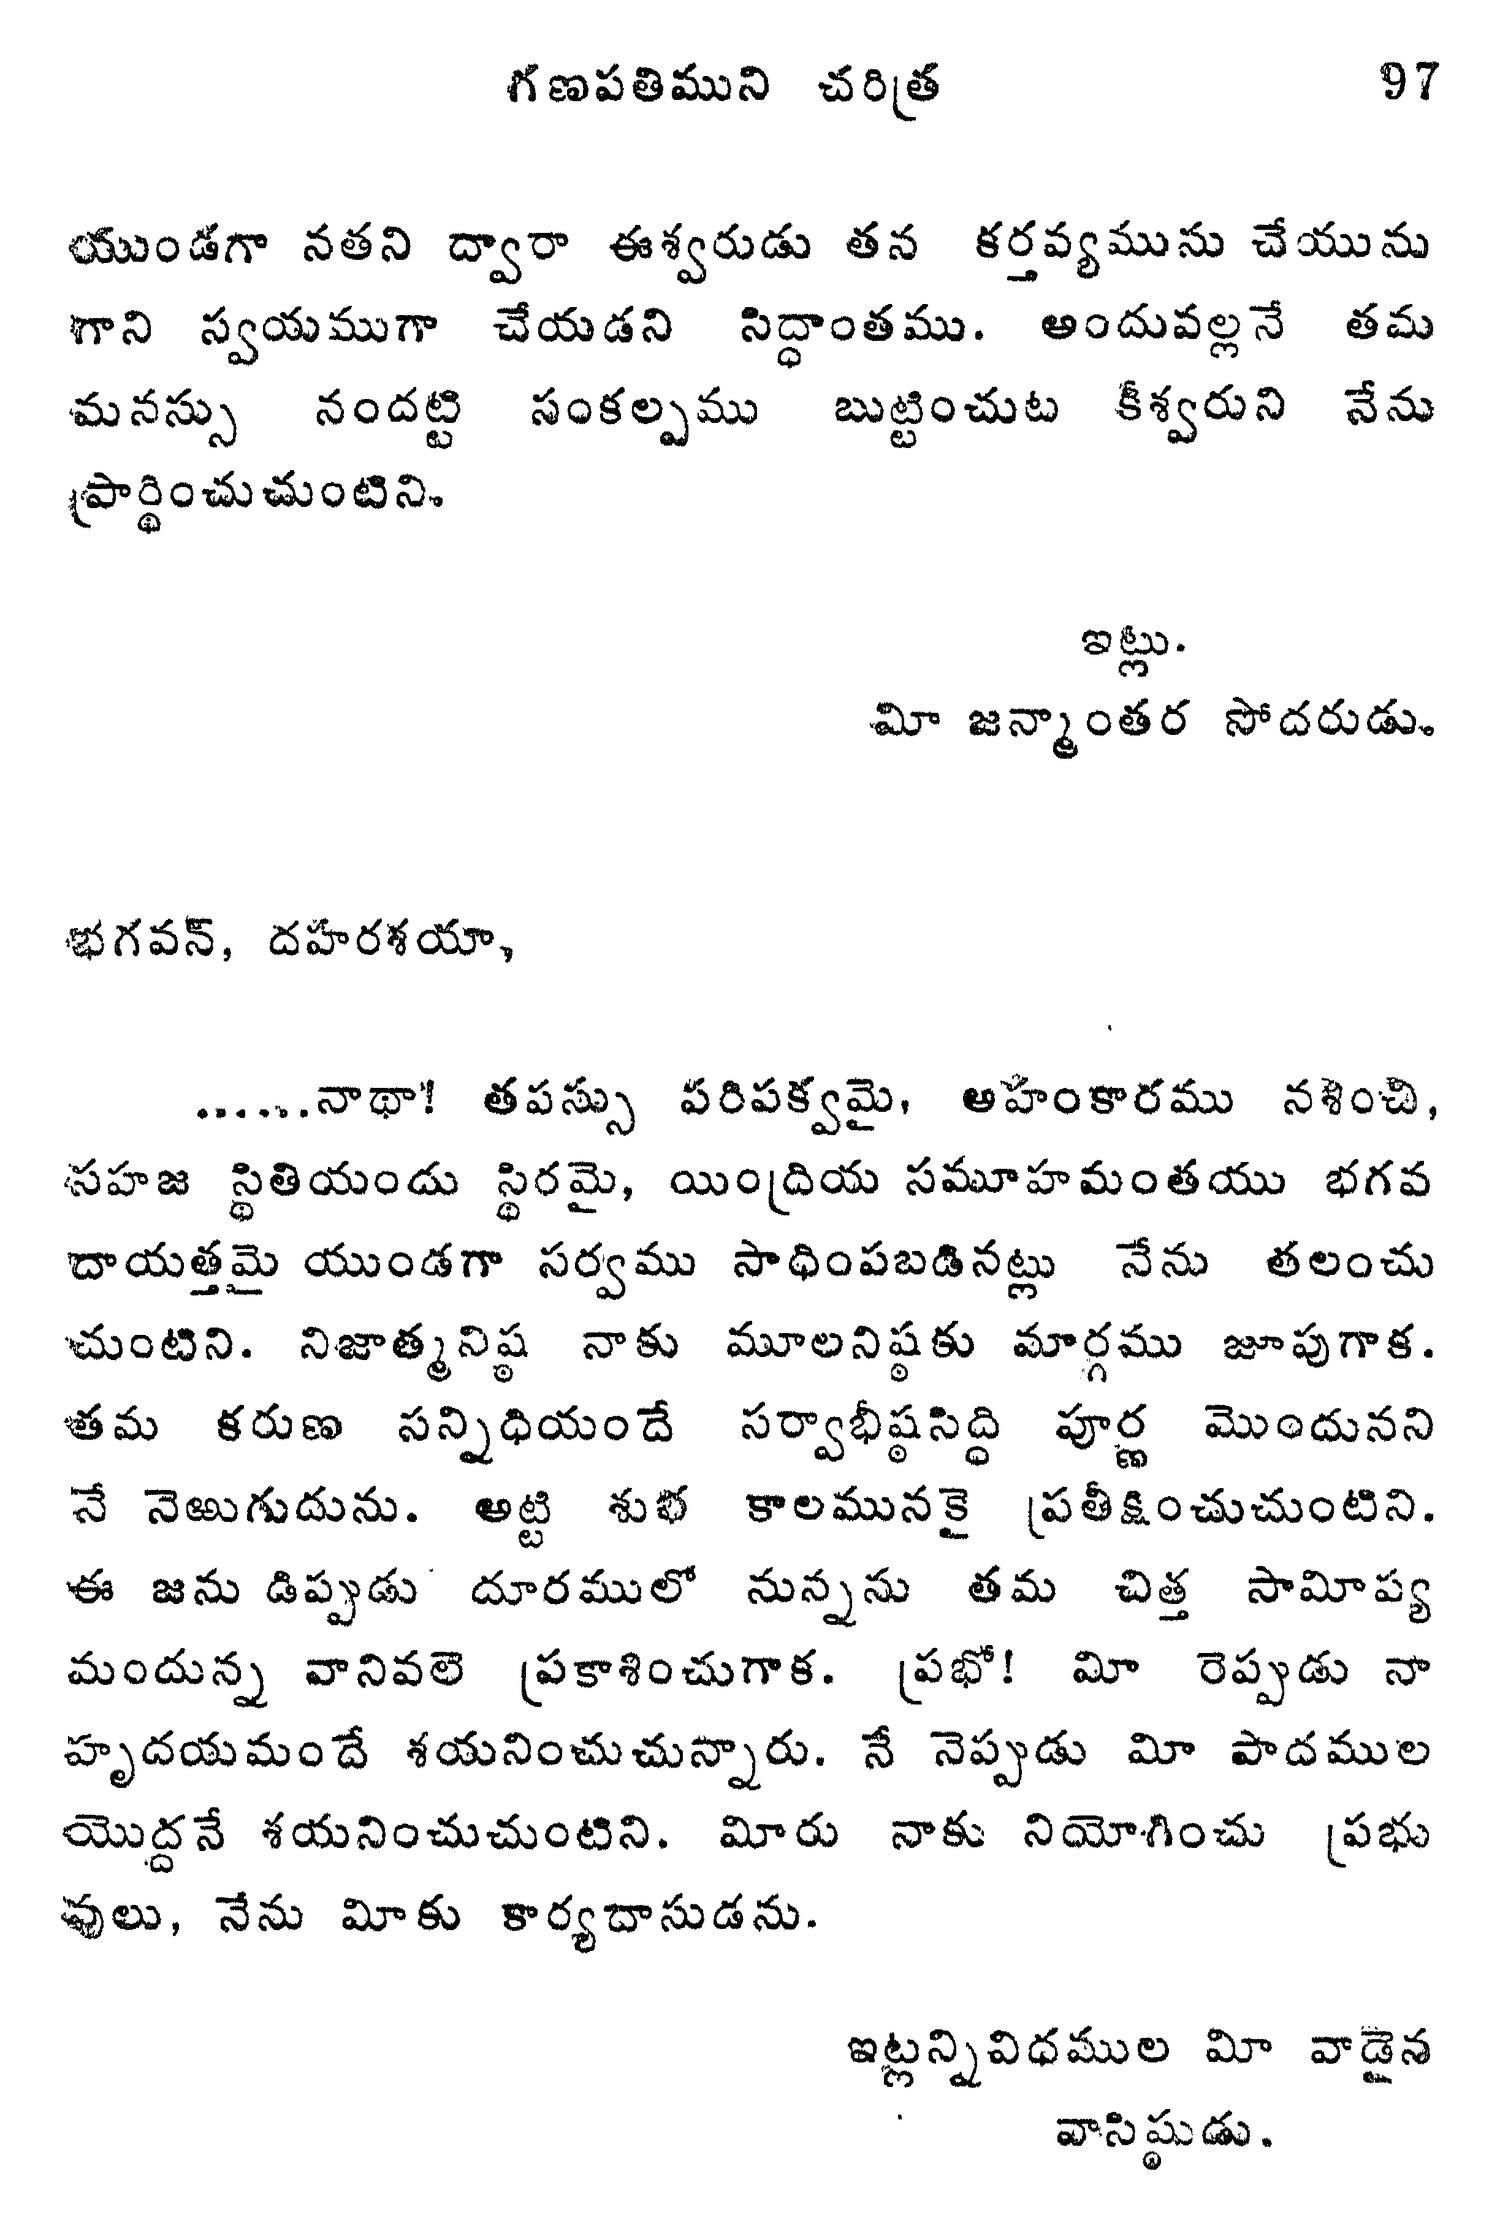యుండగా నతని ద్వారా ఈశ్వరుడు తన కర్తవ్యమును చేయును గాని స్వయముగా చేయడని సిద్ధాంతము. అందువల్లనే తమ మనస్సు నందట్టి సంకల్పము బుట్టించుట కీశ్వరుని నేను ప్రార్థించుచుంటిని.

భగవన్, దహరశయా,

......నాథా! తపస్సు పరిపక్వమై, అహంకారము నశించి, సహజ స్థితియందు స్థిరమై, యింద్రియ సమూహమంతయు భగవ దాయత్తమై యుండగా సర్వము సాధింపబడినట్లు నేను తలంచు చుంటిని. నిజాత్మనిష్ఠ నాకు మూలనిష్ఠకు మార్గము జూపుగాక. తమ కరుణ సన్నిధియందే సర్వాభీష్ఠసిద్ధి పూర్ణ మొందునని నే నెఱుగుదును. అట్టి శుభ కాలమునకై ప్రతీక్షించుచుంటిని. ఈ జను డిప్పుడు దూరములో నున్నను తమ చిత్త సామీప్య మందున్న వానివలె ప్రకాశించుగాక. ప్రభో! మీ రెప్పుడు నా హృదయమందే శయనించుచున్నారు. నే నెప్పుడు మీ పాదముల యొద్దనే శయనించుచుంటిని. మీరు నాకు నియోగించు ప్రభువులు, నేను మీకు కార్యదాసుడను.